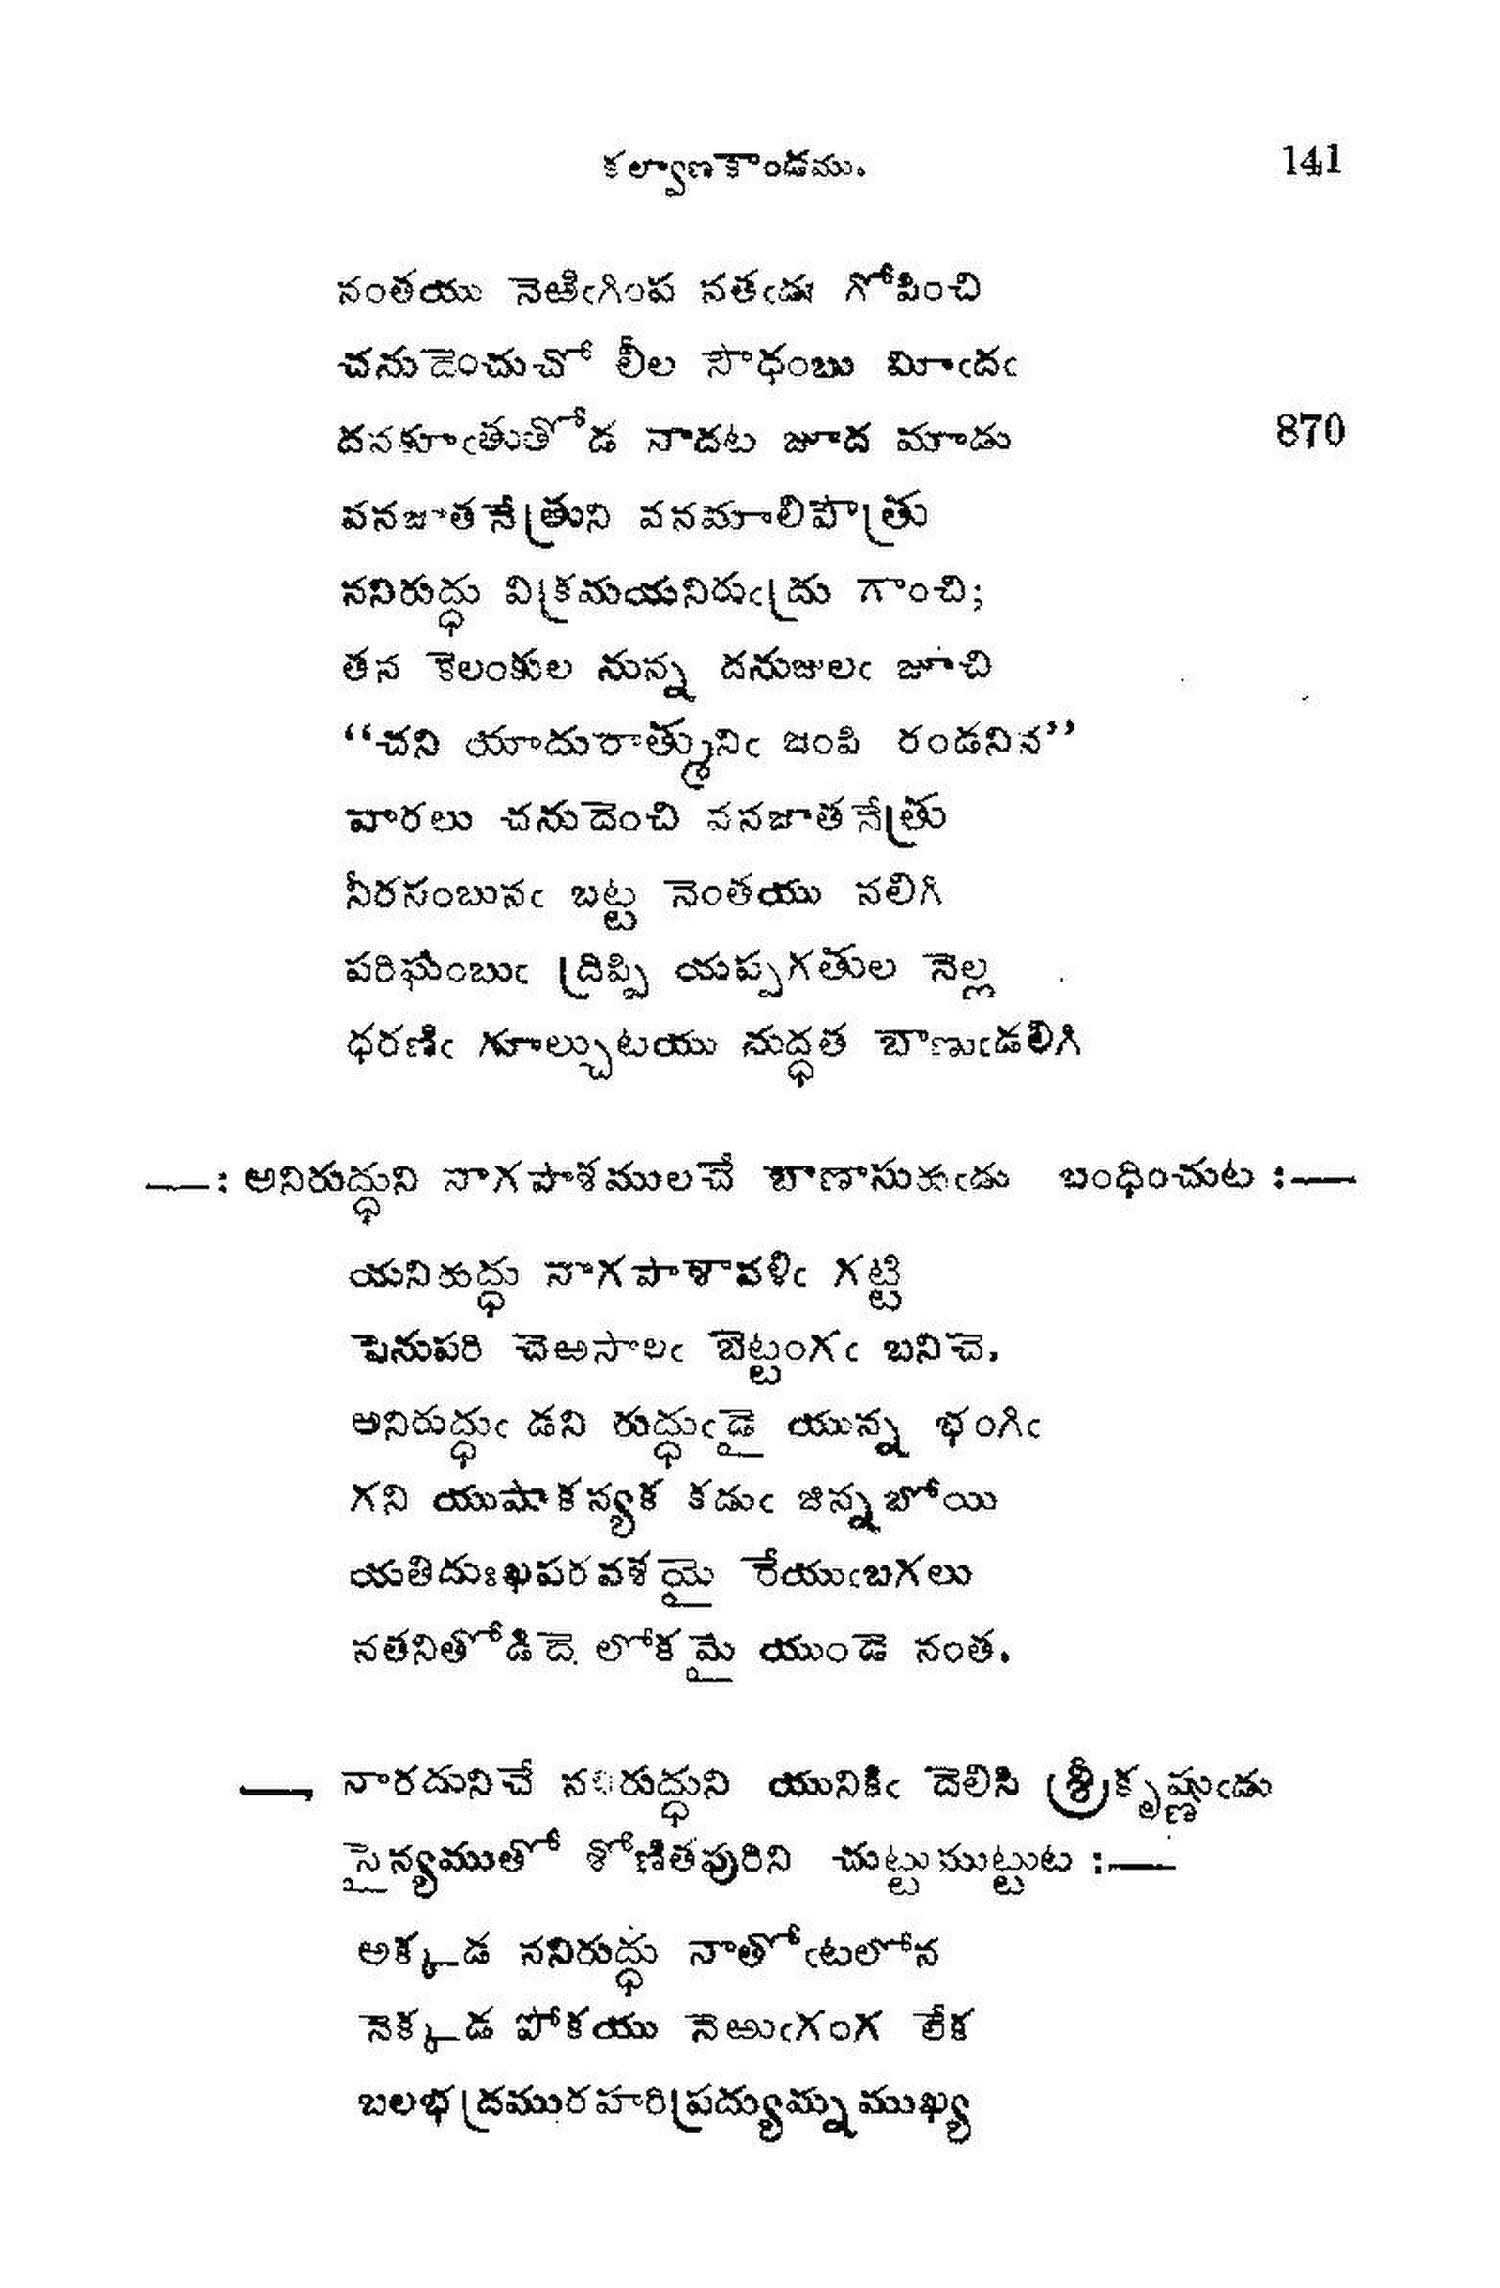నంతయు నెఱిఁగింప నతఁడు గోపించి
చనుదెంచుచో లీల సౌధంబుమీఁదఁ
దనకూఁతుతోడ నాదట జూదమాడు
వనజాతనేత్రుని వనమాలిపౌత్రు
ననిరుద్ధు విక్రమయనిరుఁద్రు గాంచి; 
తన కెలంకుల నున్న దనుజులఁ జూచి
“చని యాదురాత్మునిఁ జంపి రం”డనిన
వారలు చనుదెంచి వనజాతనేత్రు
నీరసంబునఁ బట్టనెంతయు నలిగి
పరిఘంబుఁ ద్రిప్పి యప్పగతుల నెల్ల
ధరణిఁ గూల్చుటయు నుద్ధత బాణుఁడలిగి

యనిరుద్ధు నాగపాశావళిఁ గట్టి
పెనుపరి చెఱసాలఁ బెట్టంగఁ బనిచె. 
అనిరుద్ధుఁ డనిరుద్ధుఁడై యున్న భంగిఁ
గని యుషాకన్యక కడుఁ జిన్నబోయి
యతి దుఖఃపరవశయై రేయుఁబగలు
నతనితోడిదె లోకమై యుండెనంత.

అక్కడ ననిరుద్ధు నాతోఁటలోన
నెక్కడ పోకయు నెఱుఁగంగలేక
బలభద్రమురహరిప్రద్యుమ్నముఖ్య